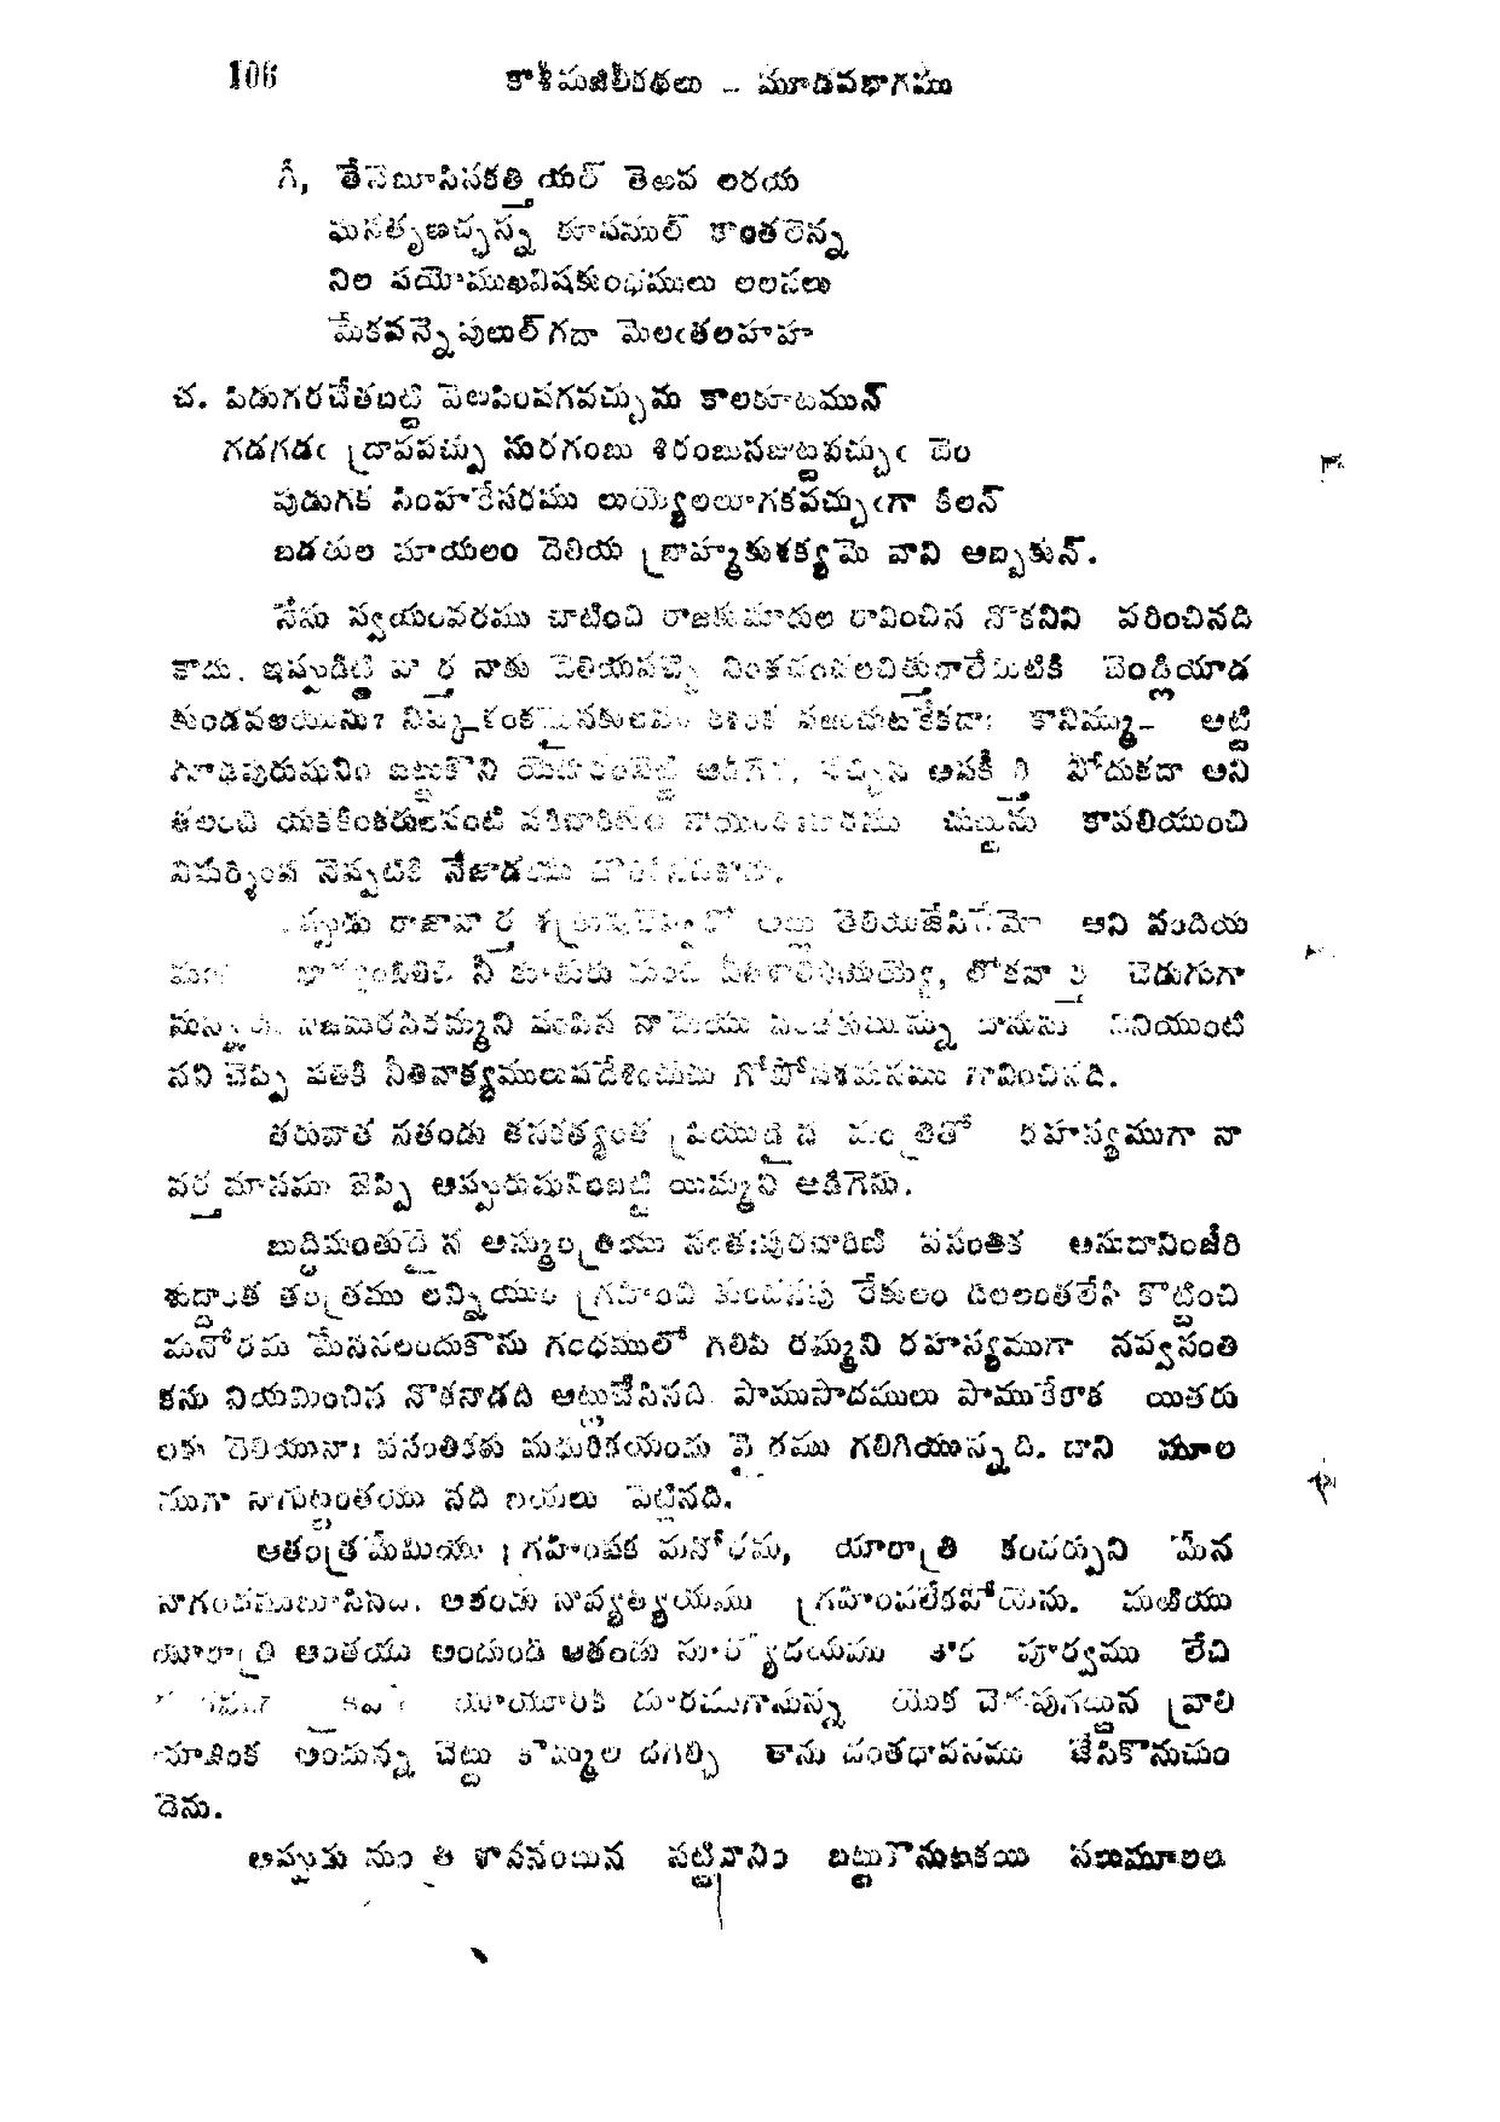గీ. తేనెబూసినకత్తియల్ తెఱవ లరయ
 ఘనతృణచ్ఛన్న కూపముల్ కాంతలెన్న
 నిల పయోముఖవిషకుంభములు లలనలు
 మేకవన్నె పులుల్ గదా మెలఁతలహహ

చ. పిడుగరచేతబట్టి వెఱపింపగవచ్చును కాలకూటమున్
 గడగడఁ ద్రాపవచ్పు నురగంబు శిరంబున జుట్టవచ్చుఁ బెం
 పుడుగక సింహకేసరము లుయ్యెలలూగకవచ్చుఁగా కిలన్
 బడతుల మాయలం దెలియ బ్రాహ్మకుశక్యమె వాని అబ్బకున్.
నేను స్వయంవరము చాటించి రాజకుమారుల రావించిన నొకనిని వరించినది కాదు . ఇప్పుడిట్టి వార్త నాకు దెలియవచ్చె నింతచంచలచిత్తురా లేమిటికి బెండ్లియాడకుండవలయును? నిష్కళంకమైనకులము కళంకపఱచుటకేకదా. కానిమ్ము- అట్టి గూఢపురుషునిం బట్టుకొని యెదురంబెట్టి అడిగెను. వచ్చిన అపకీర్తి పోదుకదా అని తలంచి యకకింకరులవంటి పరిచారకుల నామందిరము చుట్టును కావలియుంచి విమర్శింప నెప్పటికి నేజాడయు దొరకినదికాదు.

అప్పుడు రాజావార్త శత్రువులెవ్వరో అట్లు తెలియజేసిరేమో అని సందియ మందుచు భార్యంబిలిచి 
నీ కూతురు మంచినీచిశాలిని యయ్యె, లోకవార్త చెడుగుగా నున్నది నిజమరసిరమ్మని పంపిన నామెయు నంతకుమున్ను దానును వినియుంటి నని చెప్పి పతికి నీతివాక్యములుపదేశించుచు గోపోపశమనము గావించినది.

తరువాత నతండు తనకత్యంత ప్రియుడైన మంత్రితో రహస్యముగా నా వర్తమానము జెప్పి ఆప్పురుషునింబట్టి యిమ్మని అడిగెను .

బుద్ధిమంతుడైన అమ్మంత్రియు నంతఃపురచారిణి వసంతిక అనుదానింజీరి శుద్దాంతతంత్రము లన్నియుం గ్రహించి కుందనపురేకులం దిలలంతలేసి కొట్టించి మనోరమ మేననలందుకొను గంధములో గలిపి రమ్మని రహస్యముగా నవ్వసంతికను నియమించిన నొకనాడది అట్లుచేసినది. పాముపాదములు పాముకేకాక యితరులకు దెలియునా! వసంతికకు మధురికయందు వైరము గలిగియున్నది. దాని మూలముగా నాగుట్టంతయు నది బయలు పెట్టినది.

ఆతంత్రమేమియు గ్రహింపక మనోరమ, యారాత్రి కందర్పుని మేన నాగందముబూసినది. అతండు
నావ్యత్యాయము గ్రహింపలేకపోయెను. మఱియు యారాత్రి అంతయు అందుండి ఆతండు సూర్యోదయము కాక పూర్వము లేచి గగనముపై కెగసి యాయూరికి దూరముగానున్న యొక చెరువుగట్టున వ్రాలి యాజింక అందున్న చెట్టు కొమ్మల దగిల్చి తాను దంతధావనము జేసికొనుచుండెను.

అప్పుడు మంత్రి శాసనంబున నట్టివానిం బట్టుకొనుటకయి నలుమూలల